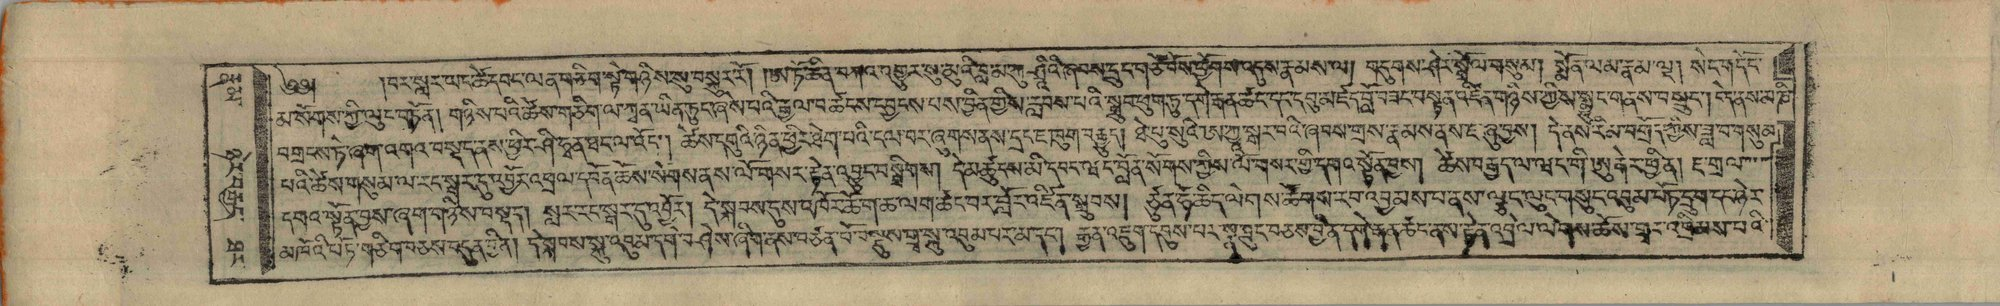༄༅། །བར་སླར་ཡང་ཚེ་དབང་ལན་གཅིག་སྟེ་གཉིས་སུ་བསྐུར་རོ། །ཨ་ཏོ་ཆིན་བཀའ་འགྱུར་སུ་མུའི་བླ་མ་ཀུ་ཤྲཱིའི་ཞབས་དྲུང་གཙོ་བོས་ཕྱོགས་འདུས་རྣམས་ལ། གདུགས་ཤེར་སྒྲོལ་གསུམ། སྨོན་ལམ་རྣམ་ལྔ། སེང་གདོང་
མ་སོགས་ཀྱི་ལུང་བཏོན། གཉིས་པའི་ཚེས་གཅིག་ལ་ཀྭན་ཡིན་ཏུང་ཞེས་པའི་རྒྱལ་བ་ཚངས་དབྱངས་པས་བྱིན་གྱིས་རླབས་པའི་སྒྲུབ་ཕུག་ཏུ་དགེ་རྒན་ཚང་དང་དབུ་མཛད་བློ་བཟང་བསྟན་འཛིན་གཉིས་ཀྱིས་སྨྱུང་གནས་བསྲུང་། ངེད་ནས་མ་ཎི་
བགྲངས་ཏེ་ཞག་འགའ་བསྡད་ནས་ཕྱིར་ཤི་ཧྭན་ཐང་ལ་འོང་། ཚེས་དགུའི་ཉིན་ཕྱིར་ཐེག་པའི་ངལ་བར་ཞུགས་ནས་དྲང་ཇ་ཁུག་བརྒྱུད། ཐེ་པུ་སུའི་ཨ་ཀྱཱ་སྒར་བའི་ཞབས་གྲས་རྣམས་ནས་ཇ་ཞུ་བྱས། དེ་ནས་རིམ་བགྲོད་ཀྱིས་ཟླ་བ་གསུམ་
པའི་ཚེས་གསུམ་ལ་རང་སྒར་དུ་འབྱོར་འཕྲལ་དབོན་ཆོས་སོགས་ནས་ལོ་གསར་རྟེན་འབྱུང་བསྒྲིགས། དེ་མཚུངས་མི་དབང་ཝང་བློན་སོགས་ཀྱིས་ལོ་གསར་གྱི་དགའ་སྟོན་བྱས། ཚེས་བརྒྱད་ལ་ཝང་གི་ཨུ་རྒེར་ཕྱིན། ཇ་གྲལ་
དགའ་སྟོན་བྱས་ཞག་གཉིས་བསྡད། སླར་རང་སྒར་དུ་འབྱོར། དེ་སྐབས་དུས་འཁོར་ཆོ་ག་ཆ་ལག་ཚང་བར་བློར་འཛིན་སྒྲུབས། ཙུན་ཧོ་ཆིད་ལེགས་ཚོགས་རབ་འབྱམས་པ་ནས་ལྕང་ལུང་གསུང་འབུམ་པོ་ཏ་དྲུག་དང་ཉེར་
མཁོའི་པོ་ཏ་གཅིག་བཅས་བདུན་བྱིན། དེ་སྐབས་སྐུ་འབུམ་དགེ་བཤེས་ཞིག་ནས་བཙན་པོ་བསྡུས་གྲྭ་སྐུ་འབུམ་པར་མ་དང་། རྒྱན་འཇུག་དབུས་པར་སྣ་ཐུང་བཅས་བྱིན་དགེ་རྒན་ཚང་ནས་རྟེན་འབྲེལ་ལེགས་ཆོས་གྲྭར་འགྲིམས་པའི་